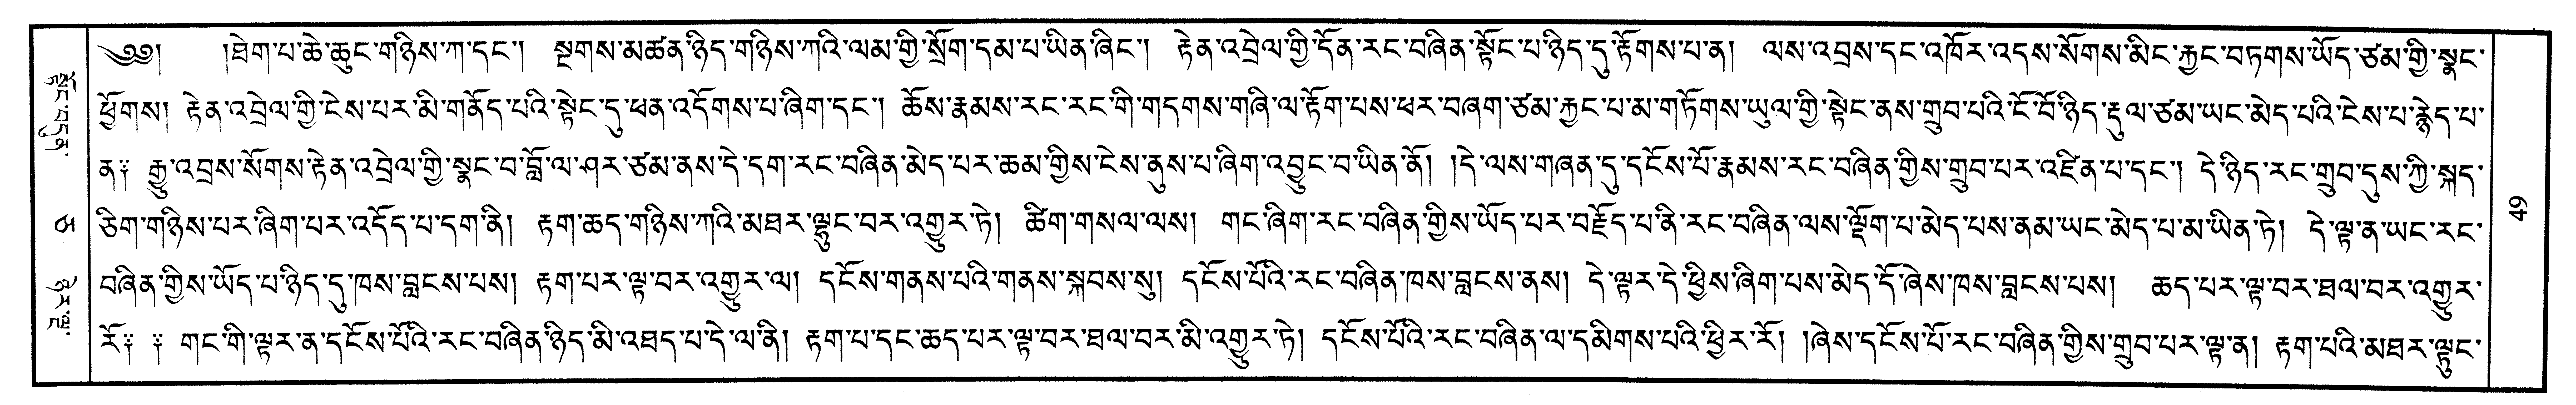༄༅། །ཐེག་པ་ཆེ་ཆུང་གཉིས་ཀ་དང་། སྔགས་མཚན་ཉིད་གཉིས་ཀའི་ལམ་གྱི་སྲོག་དམ་པ་ཡིན་ཞིང་། རྟེན་འབྲེལ་གྱི་དོན་རང་བཞིན་སྟོང་པ་ཉིད་དུ་རྟོགས་པ་ན། ལས་འབྲས་དང་འཁོར་འདས་སོགས་མིང་རྐྱང་བཏགས་ཡོད་ཙམ་གྱི་སྣང་
ཕྱོགས། རྟེན་འབྲེལ་གྱི་ངེས་པར་མི་གནོད་པའི་སྟེང་དུ་ཕན་འདོགས་པ་ཞིག་དང་། ཆོས་རྣམས་རང་རང་གི་གདགས་གཞི་ལ་རྟོག་པས་ཕར་བཞག་ཙམ་རྐྱང་པ་མ་གཏོགས་ཡུལ་གྱི་སྟེང་ནས་གྲུབ་པའི་ངོ་བོ་ཉིད་རྡུལ་ཙམ་ཡང་མེད་པའི་ངེས་པ་རྙེད་པ་
ན༑ རྒྱུ་འབྲས་སོགས་རྟེན་འབྲེལ་གྱི་སྣང་བ་བློ་ལ་ཤར་ཙམ་ནས་དེ་དག་རང་བཞིན་མེད་པར་ཆམ་གྱིས་ངེས་ནུས་པ་ཞིག་འབྱུང་བ་ཡིན་ནོ། །དེ་ལས་གཞན་དུ་དངོས་པོ་རྣམས་རང་བཞིན་གྱིས་གྲུབ་པར་འཛིན་པ་དང་། དེ་ཉིད་རང་གྲུབ་དུས་ཀྱི་སྐད་
ཅིག་གཉིས་པར་ཞིག་པར་འདོད་པ་དག་ནི། རྟག་ཆད་གཉིས་ཀའི་མཐར་ལྷུང་བར་འགྱུར་ཏེ། ཚིག་གསལ་ལས། གང་ཞིག་རང་བཞིན་གྱིས་ཡོད་པར་བརྗོད་པ་ནི་རང་བཞིན་ལས་ལྡོག་པ་མེད་པས་ནམ་ཡང་མེད་པ་མ་ཡིན་ཏེ། དེ་ལྟ་ན་ཡང་རང་
བཞིན་གྱིས་ཡོད་པ་ཉིད་དུ་ཁས་བླངས་པས། རྟག་པར་ལྟ་བར་འགྱུར་ལ། དངོས་གནས་པའི་གནས་སྐབས་སུ། དངོས་པོའི་རང་བཞིན་ཁས་བླངས་ནས། དེ་ལྟར་དེ་ཕྱིས་ཞིག་པས་མེད་དོ་ཞེས་ཁས་བླངས་པས། ཆད་པར་ལྟ་བར་ཐལ་བར་འགྱུར་
རོ༑ ༑གང་གི་ལྟར་ན་དངོས་པོའི་རང་བཞིན་ཉིད་མི་འཐད་པ་དེ་ལ་ནི། རྟག་པ་དང་ཆད་པར་ལྟ་བར་ཐལ་བར་མི་འགྱུར་ཏེ། དངོས་པོའི་རང་བཞིན་ལ་དམིགས་པའི་ཕྱིར་རོ། །ཞེས་དངོས་པོ་རང་བཞིན་གྱིས་གྲུབ་པར་ལྟ་ན། རྟག་པའི་མཐར་ལྟུང་